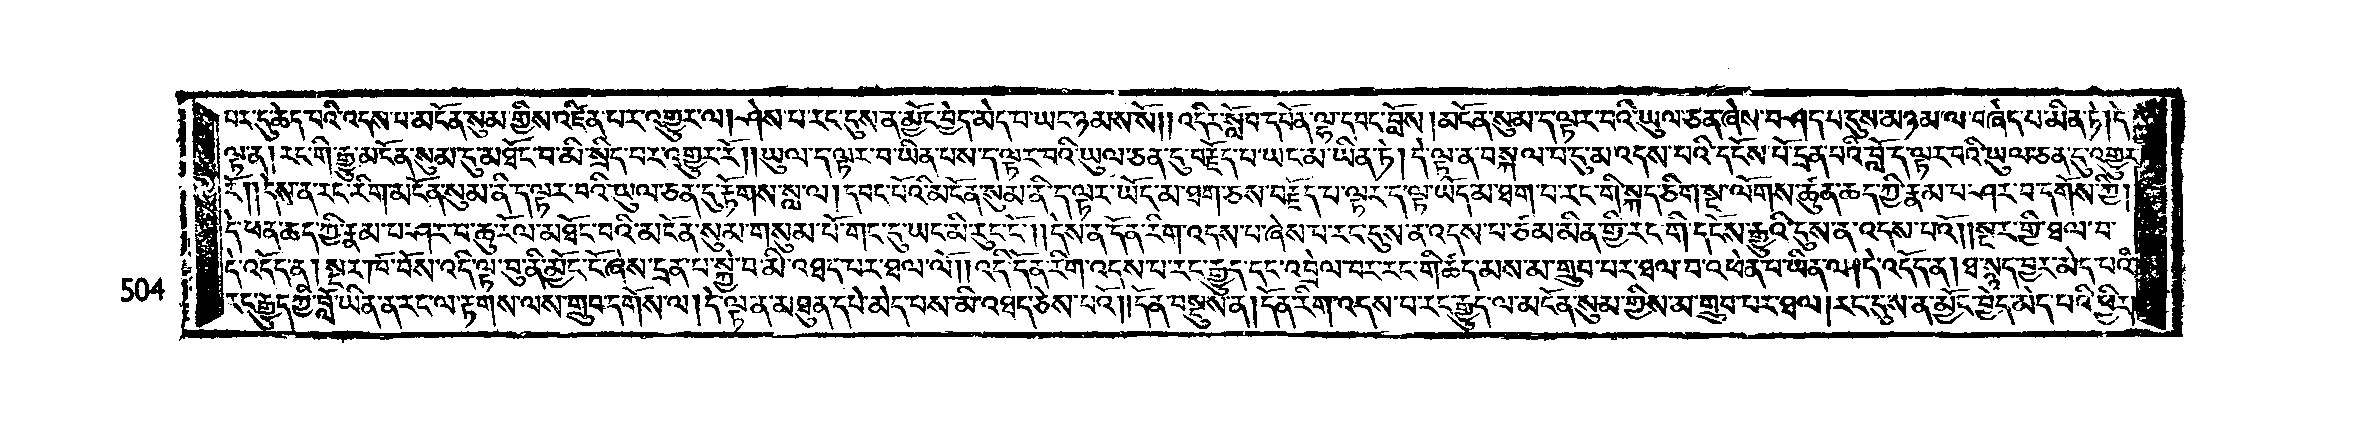བར་དུ་ཆེད་པའི་འདས་པ་མངོན་སུམ་གྱིས་འཛིན་པར་འགྱུར་ལ། ཤེས་པ་རང་དུས་ན་མྱོང་བྱེད་མེད་པ་ཡང་ཉམས་སོ། །འདིར་སློབ་དཔོན་ལྷ་དབང་བློས། མངོན་སུམ་ད་ལྟར་བའི་ཡུལ་ཅན་ཞེས་བཤད་པ་དུས་མཉམ་ལ་བཞེད་པ་མིན་ཏེ། དེ་
ལྟ་ན། རང་གི་རྒྱུ་མངོན་སུམ་དུ་མཐོང་བ་མི་སྲིད་པར་འགྱུར་རོ། །ཡུལ་ད་ལྟར་བ་ཡིན་པས་ད་ལྟར་བའི་ཡུལ་ཅན་དུ་བརྗོད་པ་ཡང་མ་ཡིན་ཏེ། དེ་ལྟ་ན་བསྐལ་པ་དུ་མ་འདས་པའི་དངོས་པོ་དྲན་པའི་བློ་ད་ལྟར་བའི་ཡུལ་ཅན་དུ་འགྱུར་
རོ། །དེས་ན་རང་རིག་མངོན་སུམ་ནི་ད་ལྟར་བའི་ཡུལ་ཅན་དུ་རྟོགས་སླ་ལ། དབང་པོའི་མངོན་སུམ་ནི་ད་ལྟར་ཡོད་མ་ཐག་ཅས་བརྗོད་པ་ལྟར་ད་ལྟ་ཡོད་མ་ཐག་པ་རང་གི་སྐད་ཅིག་སྔ་ལོགས་ཚུན་ཚད་ཀྱི་རྣམ་པ་ཤར་བ་དགོས་ཀྱི།
དེ་ཕན་ཚད་ཀྱི་རྣམ་པ་ཤར་བ་ཆུ་རོལ་མཐོང་བའི་མངོན་སུམ་གསུམ་པོ་གང་དུ་ཡང་མི་རུང་ངོ། །དེས་ན་དོན་རིག་འདས་པ་ཞེས་པ་རང་དུས་ན་འདས་པ་ཙམ་མིན་གྱི་རང་གི་དངོས་རྒྱུའི་དུས་ན་འདས་པའོ། །སྔར་གྱི་ཐལ་བ་
དེ་འདོད་ན། སྔར་ཁོ་བོས་འདི་ལྟ་བུ་ནི་མྱོང་ངོ་ཞེས་དྲན་པ་སྐྱེ་བ་མི་འཐད་པར་ཐལ་ལོ། །འདི་དོན་རིག་འདས་པ་རང་རྒྱུད་དང་འབྲེལ་བར་རང་གི་ཚད་མས་མ་གྲུབ་པར་ཐལ་བ་འཕེན་པ་ཡིན་ལ། དེ་འདོད་ན། ཐ་སྙད་བྱར་མེད་པའི་
རང་རྒྱུད་ཀྱི་བློ་ཡིན་ན་རང་ལ་རྟགས་ལས་གྲུབ་དགོས་ལ། དེ་ལྟ་ན་མཐུན་དཔེ་མེད་པས་མི་འཐད་ཅེས་པའོ། །དོན་བསྡུས་ན། དོན་རིག་འདས་པ་རང་རྒྱུད་ལ་མངོན་སུམ་གྱིས་མ་གྲུབ་པར་ཐལ། རང་དུས་ན་མྱོང་བྱེད་མེད་པའི་ཕྱིར།